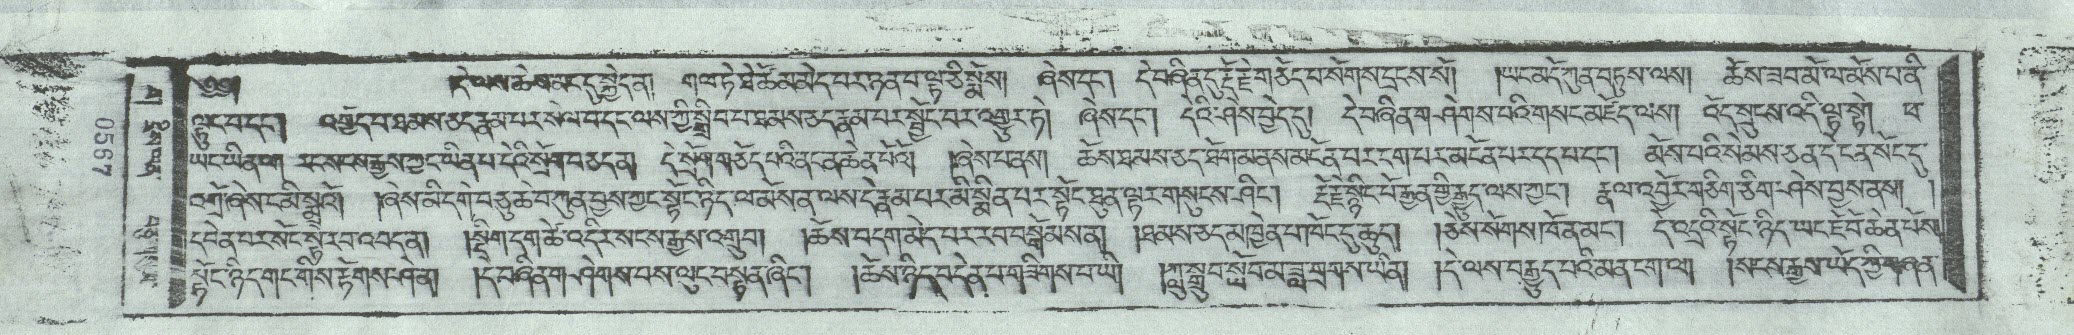༄༅། །དེ་ལས་ཆེས་མང་དུ་སྐྱེད་ན། བལ་ཏེ་ཐེ་ཚོམ་མེད་པར་ཉན་པ་ལྟ་ཅི་སྨོས། ཞེས་དང་། དེ་བཞིན་དུ་རྡོ་རྗེ་གཅོད་པ་སོགས་དྲངས་སོ། །ཡང་མདོ་ཀུན་བཏུས་ལས། ཆོས་ཟབ་མོ་ལ་མོས་པ་ནི་
ལྟུང་བ་དང་། འགྱོད་པ་ཐམས་ཅད་རྣམ་པར་སེལ་བ་དང་ལས་ཀྱི་སྒྲིབ་པ་ཐམས་ཅད་རྣམ་པར་སྦྱོང་བར་འགྱུར་ཏེ། ཞེས་དང་། དེའི་ཤེས་བྱེད་དུ། དེ་བཞིན་གཤེགས་པའི་གསང་མཛོད་ལས། འོད་སྲུངས་འདི་ལྟ་སྟེ། ཕ་
ཡང་ཡིན་ལ། རང་སངས་རྒྱས་ཀྱང་ཡིན་པ་དེའི་སྲོག་བཅད་ན། དེ་སྲོག་གཅོད་པའི་ནང་ན་ཆེན་པོའོ། །ཞེས་པ་ནས། ཆོས་ཐམས་ཅད་ཐོག་མ་ནས་མངོན་པར་དག་པར་མངོན་པར་དད་པ་དང་། མོས་པའི་སེམས་ཅན་དེ་ངན་སོང་དུ་
འགྲོ་ཞེས་ང་མི་སྨྲའོ། །ཞེས་མི་དགེ་བཅུ་ཆེ་བ་ཀུན་བྱས་ཀྱང་སྟོང་ཉིད་ལ་མོས་ན་ལས་དེ་རྣམ་པར་མི་སྨིན་པར་སྟོང་ཐུན་ལྟར་གསུངས་ཤིང་། རྡོ་རྗེ་སྙིང་པོ་རྒྱན་གྱི་རྒྱུད་ལས་ཀྱང་། རྣལ་འབྱོར་གཅིག་ཅིག་ཤེས་བྱས་ནས། །
དབེན་པར་སོང་སྟེ་རབ་འབད་ན། །སྡིག་དག་ཚེ་འདིར་སངས་རྒྱས་འགྲུབ། །ཆོས་བདག་མེད་པར་རབ་བསྒོམས་ན། །ཐམས་ཅད་མཁྱེན་པ་ཁོང་དུ་ཆུད། །ཅེས་སོགས་ཁོ་ན་མང་། དེ་འདྲའི་སྟོང་ཉིད་ཡང་ཇོ་བོ་ཆེན་པོས་
སྟོང་ཉིད་གང་གིས་རྟོགས་ཤེ་ན། །དེ་བཞིན་གཤེགས་པས་ལུང་བསྟན་ཞིང་། །ཆོས་ཉིད་བདེན་པ་གཟིགས་པ་ཡི། །ཀླུ་སྒྲུབ་སློབ་མ་ཟླ་གྲགས་ཡིན། །དེ་ལས་བརྒྱུད་པའི་མན་ངག་ལ། །སངས་རྒྱས་ཡོད་ཀྱི་གཞན་